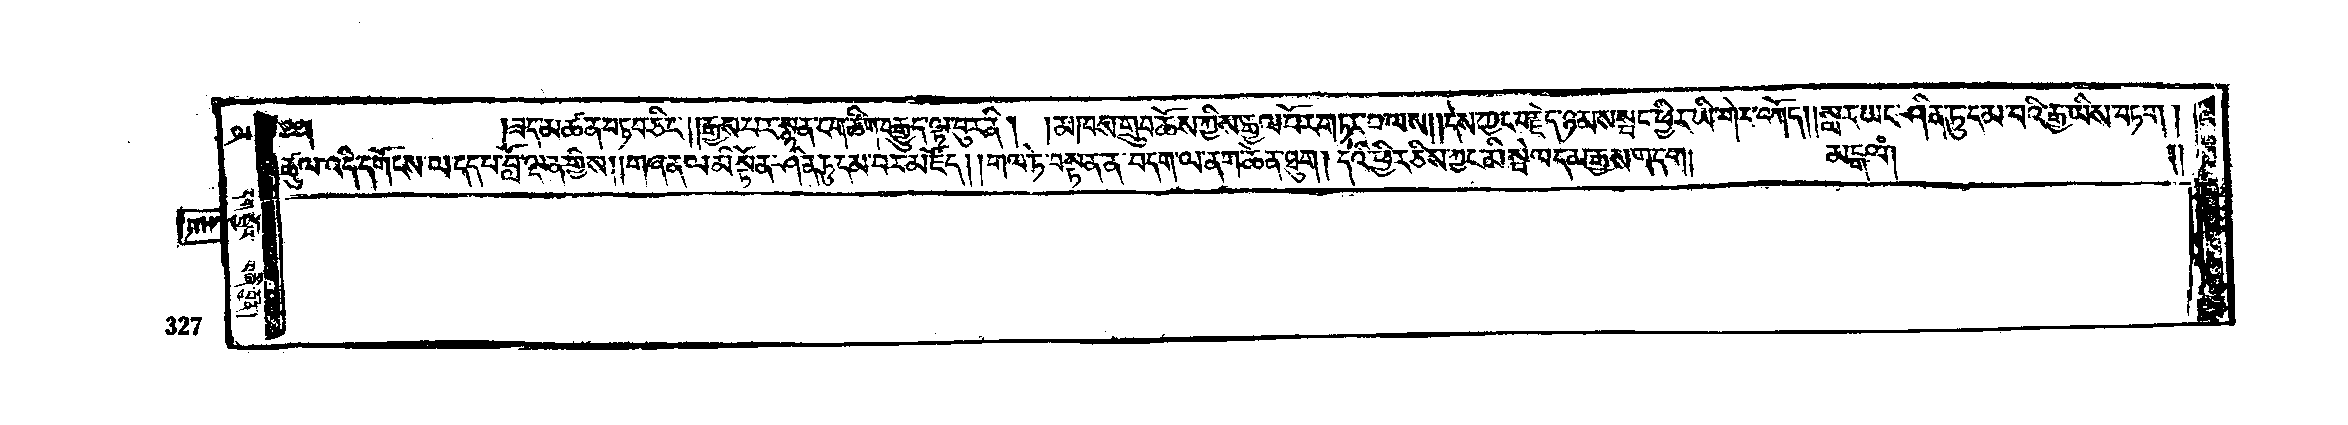༄༅། །ཟད་མཚན་བཏབ་ཅིང་། །རྒྱས་པར་སྙན་ངག་ཚིག་བརྒྱུད་ལྟ་བུར་ནི། །མཁས་གྲུབ་ཆོས་ཀྱིས་རྒྱལ་པོར་གཏད་པ་ལས། །དེས་ཀྱང་བརྗེད་ཉམས་སྤང་ཕྱིར་ཡི་གེར་བཀོད། །སླར་ཡང་ཤིན་ཏུ་དམ་པའི་རྒྱ་ཡིས་བཏག །
ཚུལ་འདི་དགོངས་ལ་དད་པ་བློ་ལྡན་གྱིས། །གཞན་ལ་མི་སྟོན་ཤིན་ཏུ་དམ་པར་མཛོད། །གལ་ཏེ་བསྟན་ན་བདག་ལ་ནག་ཆེན་ཐུག །དེའི་ཕྱིར་ཅིས་ཀྱང་མི་སྤེལ་དམ་རྒྱས་གདབ། །མངྒླཾ། །